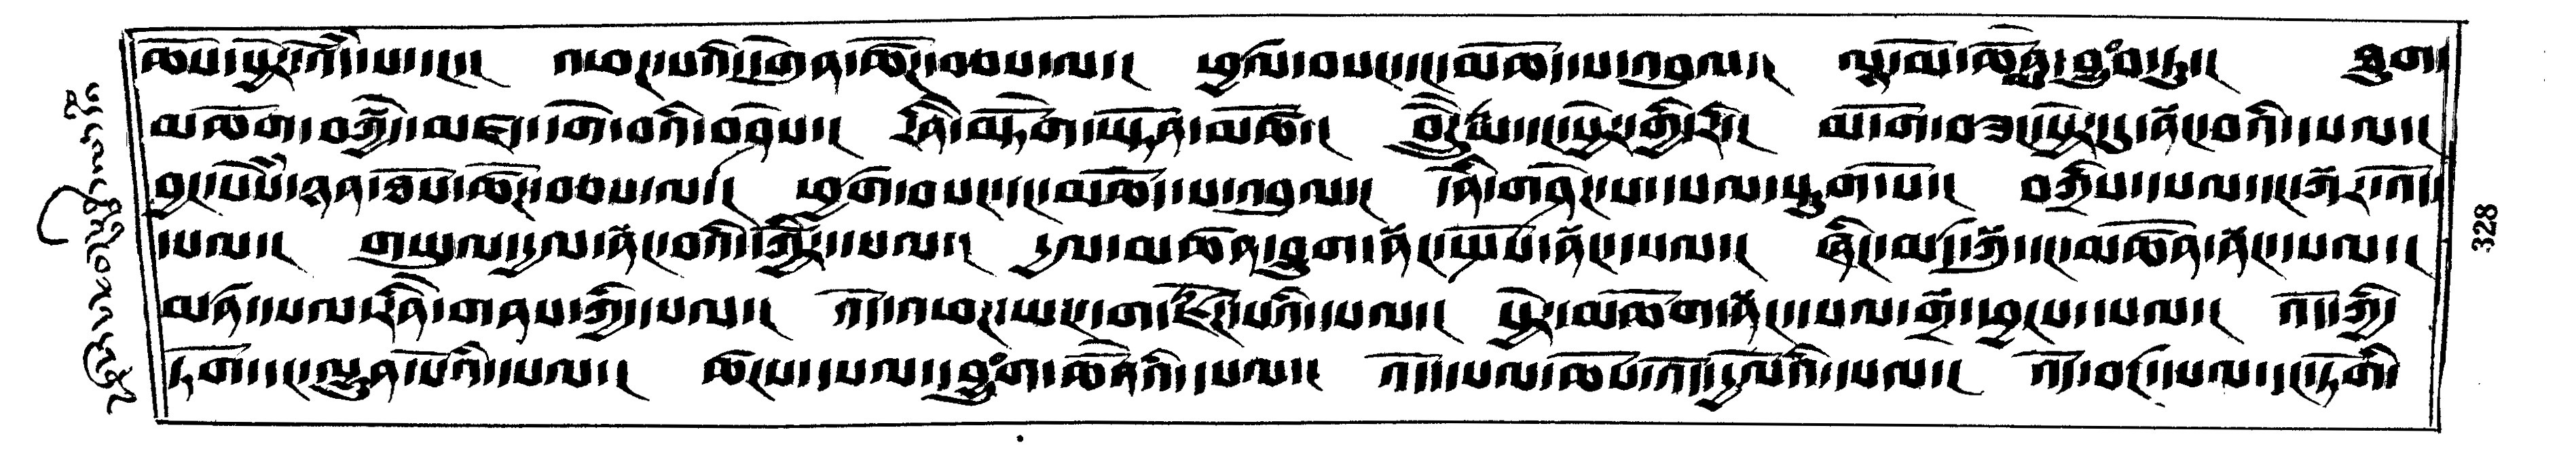ཆོས་གསེར་འོད་དམ་པ་དང་། །འཕགས་པའི་དགེ་འདུན་ཚོགས་བཅས་ལ། །ཕྱག་འཚལ་བསང་དང་མཆོད་པ་འབུལ། །ལྷ་མོ་ཆེན་མོ་བྱང་ཆུབ་ཏུ། །ཐུགས་
མཆོག་བསྐྱེད་མཛད་དགེ་བའི་བཤེས། །རིན་ཆེན་མེ་ཏོག་ཡོན་ཏན་མཚོ། །བཻཌཱུརྻ་དང་གསེར་གྱི་རི། །མདོག་བཟང་གསེར་དུ་སྣང་བའི་དཔལ། །
བྱང་སེམས་ཉན་ཐོས་ཚོགས་བཅས་ལ། །ཕྱག་འཚལ་བསང་དང་མཆོད་པ་འབུལ། །དེ་བཞིན་གཤེགས་པ་དཔལ་སྟུག་པོ། །བཀྲ་ཤིས་དཔལ་དང་སྐར་འོད་
དཔལ། །གཡུལ་རྒྱལ་སྣང་བའི་དཀྱིལ་འཁོར་དཔལ། །རྒྱལ་མཚན་ཤུགས་སྣང་སྤོས་སྣང་དཔལ། །ཞིང་མཛད་སྐུ་དང་མཚན་སྣང་དཔལ། །
མཚན་དཔལ་རིན་ཆེན་གནས་ཀྱི་དཔལ། །འོད་འཕགས་ཡང་དག་རྫོགས་པའི་དཔལ། །གསེར་མཆོག་སྣང་དཔལ་སྒྲ་དབྱངས་དཔལ། །འོད་ཀྱི་
ཏོག་དང་ལྷུན་པོའི་དཔལ། །ཚངས་དཔལ་དབང་ཕྱུག་ཆེན་པོའི་དཔལ། །འོད་དཔལ་ཆོས་འོད་རྒྱལ་པོའི་དཔལ། །འོད་བཟང་དཔལ་དང་ཏོག་གི་